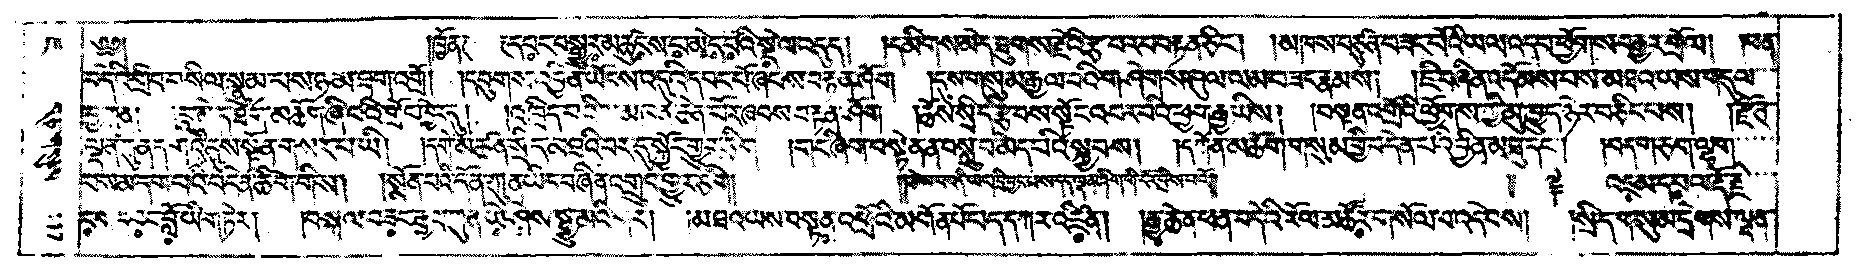༄༅། །ཁྱོན། །དབང྾་བསྒྱུར྾་མཚུངས྾་པ྾་མེད྾་པའི྾་སྡེ྾་ལ་འདུད། །དམིགས་མེད་ཐུགས་རྗེའི་རྩ་བ་རབ་བརྟན་ཅིང་། །མཁས་བཙུན་བཟང་པོའི་ཡལ་འདབ་ཕྱོགས་བརྒྱར་གྲོལ། །ཕན་
བདེའི་གྲིབ་བསིལ་སྣུམ་པས་ཉམ་ཐག་འགྲོ། །དབུགས་འབྱིན་ཡོངས་འདུའི་དབང་པོ་ཞབས་བརྟན་ཤོག །དུས་གསུམ་རྒྱལ་བའི་གཤེགས་ཤུལ་ལམ་བཟང་རྣམས། །ཇི་བཞིན་འདོམས་པས་མཐའ་ཡས་གདུལ་
བྱ་ཀུན། །བླ་མེད་ཐེག་མཆོག་ཞི་བའི་གྲོང་ཁྱེར་དུ། །འཁྲིད་པའི་ས་མཁན་ཆེན་པོར་ཞབས་བརྟན་ཤོག །ཆོས་སྲིད་རྩི་བས་སྟོང་འབར་བའི་ཕྱག་རྒྱ་ཡིས། །བསྟན་འགྲོའི་ཕྱོགས་ཀྱི་མུ་ཁྱུད་ཉེར་བཅིང་པས། །རྫོཊ་
ལྡན་ཀུན་དགའི་དུས་སྟོན་གསར་པ་ཡི། །དགེ་མཚན་སྲིད་མཐའི་བར་དུ་སྐྱོང་གྱུར་ཅིག །གང་ཞིག་བསྟེན་ན་བསླུ་བ་མེད་པའི་སྐྱབས། །དཀོན་མཆོག་གསུམ་གྱི་བདེན་པའི་བྱིན་མཐུ་དང་། །བདག་ཅག་ལྷག་
བསམ་དག་པའི་བདེན་ཚིག་གིས། །སྨོན་པའི་དོན་ཀུན་ཡིད་བཞིན་འགྲུབ་གྱུར་ཅིག ། །། ཅེས་པ་འདི་ཡང་ཁྲི་བྱང་པས་དད་ལྡན་ཞིག་གི་ངོར་བྲིས་པའོ།།  །། ༈ འཇམ྾་དཔལ྾་རྡོ་རྗེ་
ངག྾་དབང྾་བློ྾་ཡི་གཏེར། །བསྐལ་བཟང྾་རྒྱལ་ཀུན་ཡེ྾་ཤེས྾་སྒྱུ་མའི་གར། །མཐའ་ཡས་བསྟན྾་འགྲོའི་མགོན་པོ་པད་དཀར་འཛིན྾། །རྒྱ྾་ཆེན་ཕན་བདེའི་རོལ་མཚོར྾་གསོལ་བ་འདེབས། །སྲིད་གསུམ་དྲེགས་ལྡན་